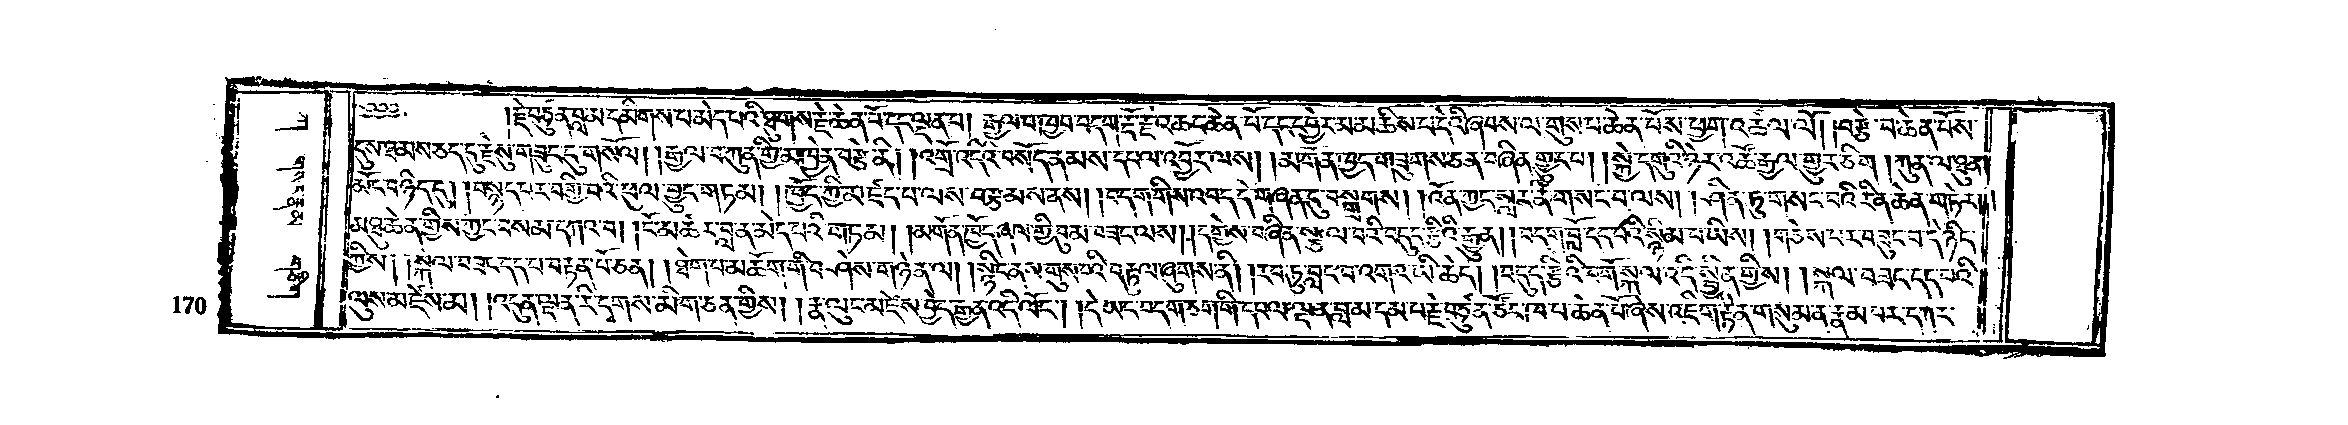༄༅༅། །རྗེ་བཙུན་བླ་མ་དམིགས་པ་མེད་པའི་ཐུགས་རྗེ་ཆེན་པོ་དང་ལྡན་པ། རྒྱལ་བ་ཁྱབ་བདག་རྡོ་རྗེ་འཆང་ཆེན་པོ་དང་དབྱེར་མ་མཆིས་པ་དེའི་ཞབས་ལ་གུས་པ་ཆེན་པོས་ཕྱག་འཚལ་ལོ། །བརྩེ་བ་ཆེན་པོས་
དུས་ཐམས་ཅད་དུ་རྗེས་སུ་གཟུང་དུ་གསོལ། །རྒྱལ་བ་ཀུན་གྱི་མཁྱེན་བརྩེ་ནི། །འགྲོ་འདིའི་བསོད་ནམས་དཔལ་འབྱོར་ལས། །མགོན་ཁྱད་གཟུགས་ཅན་བཞིན་གྱུར་པ། །སྐྱེ་དགུའི་ཉེར་འཚོ་རྒྱལ་གྱུར་ཅིག །ཀུན་ལ་ཐུན་
མོང་བ་ཉིད་དུ། །བསྙད་པར་བགྱི་བའི་ཕུལ་བྱུང་གཏམ། །ཁྱོད་ཀྱི་མཛད་པ་ལས་བརྩམས་ནས། །བདག་གིས་འབད་དེ་གཞན་དུ་བསྒྲགས། །འོན་ཀྱང་སླར་ནི་གསང་བ་ལས། །ཤིན་ཏུ་གསང་བའི་རིན་ཆེན་གཏེར། །
མཐུ་ཆེན་གྱིས་ཀྱང་བསམ་དཀའ་བ། །ངོ་མཚར་བླ་ན་མེད་པའི་གཏམ། །མགོན་ཁྱོད་ཞལ་གྱི་བུམ་བཟང་ལས། །དགྱེས་བཞིན་སྩལ་བའི་བདུད་རྩིའི་རྒྱུན། །བདག་བློ་དད་པའི་སྙིམ་པ་ཡིས། །གཅེས་པར་བཟུང་བ་དེ་ཉིད་
ཀྱིས། །སྐལ་བཟང་དད་པ་བརྟན་པོ་ཅན། །ཐེག་པ་མཆོག་གི་བཤེས་གཉེན་ལ། །སྙིང་ནས་གུས་པའི་བརྟུལ་ཞུགས་ནི། །རབ་ཏུ་བླང་བ་འགའ་ཡི་ཆེད། །བདུད་རྩིའི་བགོ་སྐལ་འདི་སྦྱིན་གྱིས། །སྐལ་བཟང་དད་པའི་
ལུས་མཛེས་མ། །འདུན་ལྡན་རི་དྭགས་མིག་ཅན་གྱིས། །རྣ་ལུང་མཛེས་བྱེད་རྒྱན་འདི་ལོང་། །དེ་ཡང་བདག་ཅག་གི་དཔལ་ལྡན་བླ་མ་དམ་པ་རྗེ་བཙུན་ཙོང་ཁ་པ་ཆེན་པོ་ཞེས་འཇིག་རྟེན་གསུམ་ན་རྣམ་པར་དཀར་